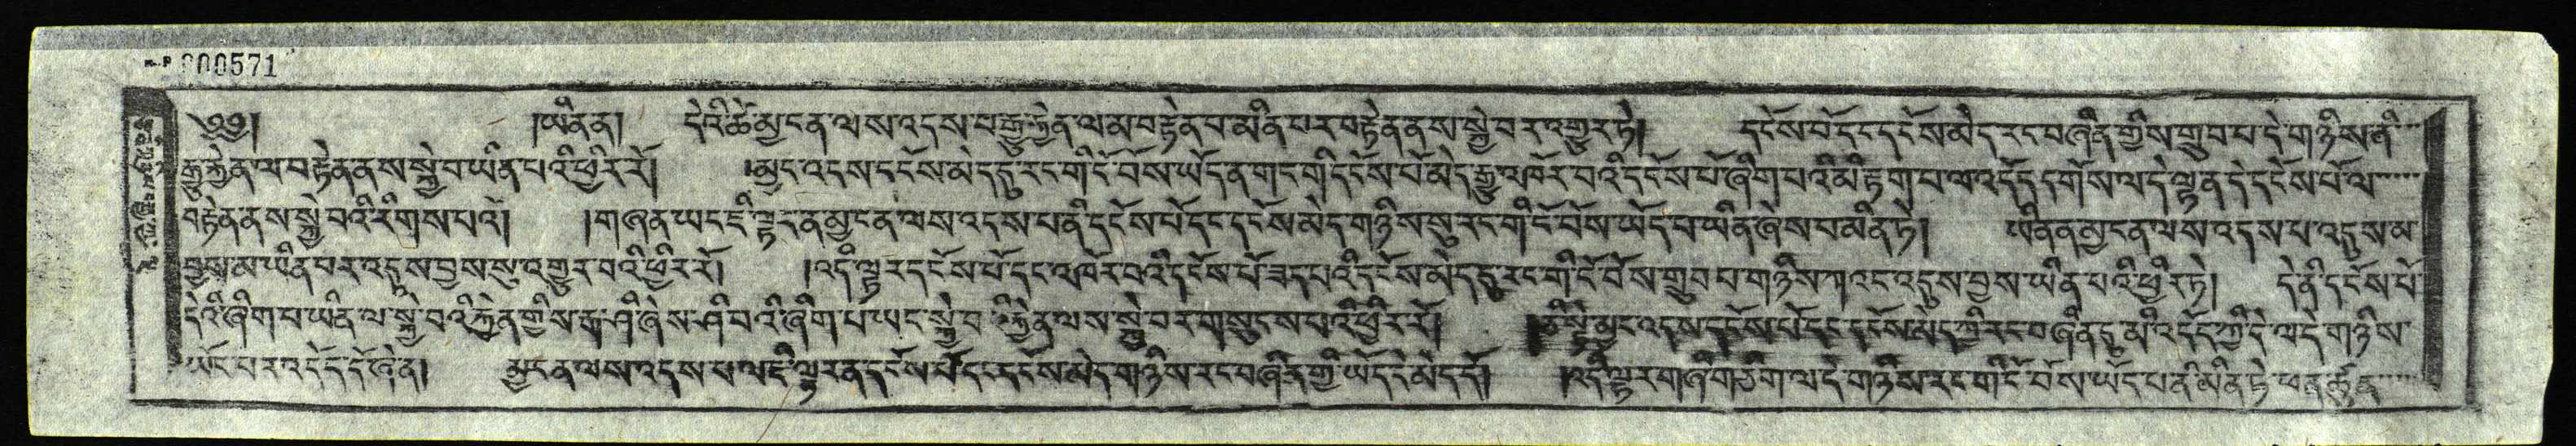༄༅། །ཡིན་ན། དེའི་ཚེ་མྱ་ངན་ལས་འདས་པ་རྒྱུ་རྐྱེན་ལ་མ་བརྟེན་པ་མིན་པར་བརྟེན་ནས་སྐྱེ་བར་འགྱུར་ཏེ། དངོས་པོ་དང་དངོས་མེད་རང་བཞིན་གྱིས་གྲུབ་པ་དེ་གཉིས་ནི་
རྒྱུ་རྐྱེན་ལ་བརྟེན་ནས་སྐྱེ་བ་ཡིན་པའི་ཕྱིར་རོ། །མྱང་འདས་དངོས་མེད་དུ་རང་གི་ངོ་བོས་ཡོད་ན་གང་གི་དངོས་པོ་མེད་རྒྱུ་འཁོར་བའི་དངོས་པོ་ཞིག་པའི་མི་རྟག་པ་ལ་འདོད་དགོས་ལ་དེ་ལྟ་ན་དེ་དངོས་པོ་ལ་
བརྟེན་ནས་སྐྱེ་བའི་རིགས་པའོ། །གཞན་ཡང་ཇི་ལྟར་ན་མྱ་ངན་ལས་འདས་པ་ནི་དངོས་པོ་དང་དངོས་མེད་གཉིས་སུ་རང་གི་ངོ་བོས་ཡོད་པ་ཡིན་ཞེས་པ་མིན་ཏེ། ཡིན་ན་མྱ་ངན་ལས་འདས་པ་འདུས་མ་
བྱས་མ་ཡིན་པར་འདུས་བྱས་སུ་འགྱུར་བའི་ཕྱིར་རོ། །འདི་ལྟར་དངོས་པོ་དང་འཁོར་བའི་དངོས་པོ་ཟད་པའི་དངོས་མེད་དུ་རང་གི་ངོ་བོས་གྲུབ་པ་གཉིས་ཀའང་འདུས་བྱས་ཡིན་པའི་ཕྱིར་ཏེ། དེ་ནི་དངོས་པོ་
དེའི་ཞིག་པ་ཡིན་ལ་སྐྱེ་བའི་རྐྱེན་གྱིས་རྒ་ཤི་ཞེས་ཤི་པའི་ཞིག་པ་ཡང་སྐྱེ་བའི་རྐྱེན་ལས་སྐྱེ་བར་གསུངས་པའི་ཕྱིར་རོ། །ཅི་སྟེ་མྱང་འདས་དངོས་པོ་དང་དངོས་མེད་ཀྱི་རང་བཞིན་དུ་མི་འདོད་ཀྱི་དེ་ལ་དེ་གཉིས་
ཡོང་པར་འདོད་དོ་ཞེ་ན། མྱ་ངན་ལས་འདས་པ་ལ་ཇི་ལྟར་ན་དངོས་པོ་དང་དངོས་མེད་གཉིས་རང་བཞིན་གྱི་ཡོད་དེ་མེད་དོ། །འདི་ལྟར་གཞི་གཅིག་ལ་དེ་གཉིས་རང་གི་ངོ་བོས་ཡོད་པ་ནི་མིན་ཏེ་ཕན་ཚུན་